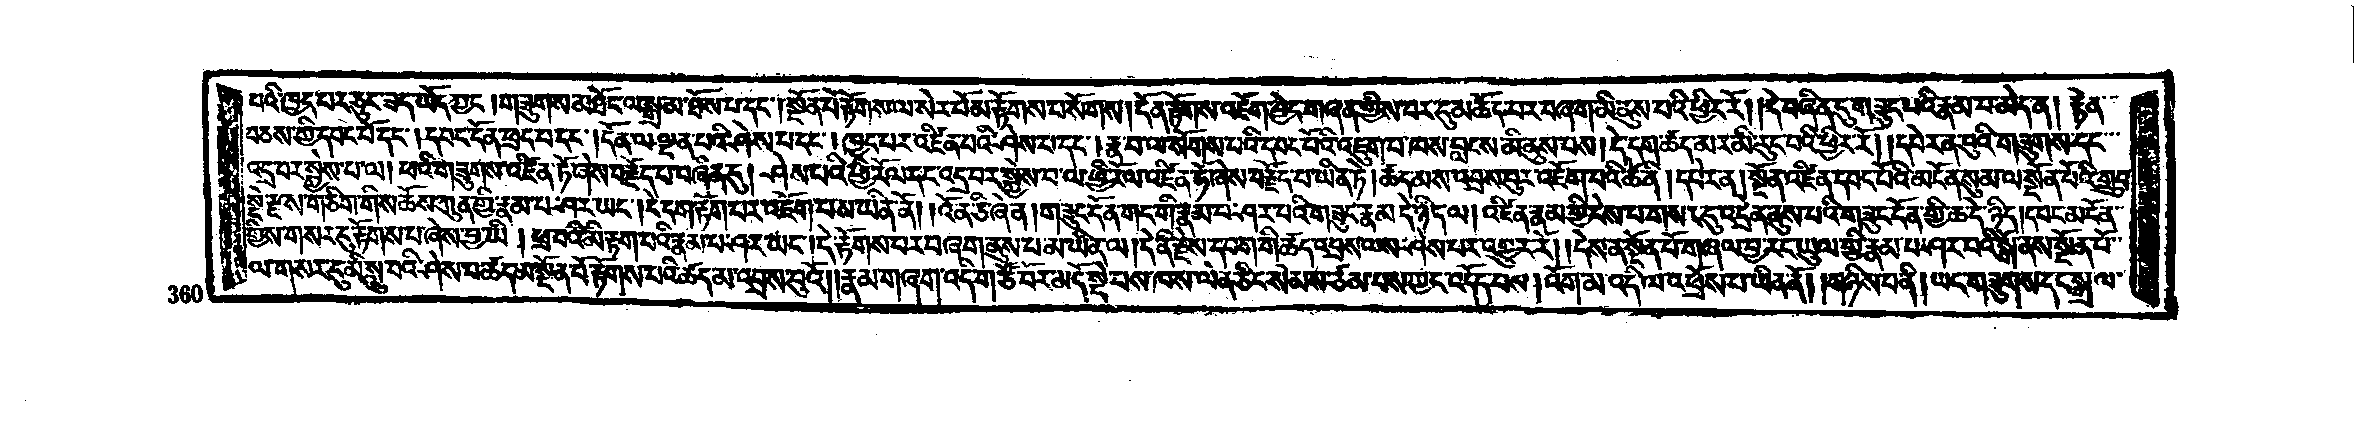པའི་ཁྱད་པར་ཅུང་ཟད་ཡོད་ཀྱང་། གཟུགས་མཐོང་ལ་སྒྲ་མ་ཐོས་པ་དང་། སྔོན་པོ་རྟོགས་ལ་སེར་པོ་མ་རྟོགས་པ་སོགས། དོན་རྟོགས་འཇོག་བྱེད་གཞན་གྱིས་བར་དུ་མཆོད་པར་བཞག་མི་ནུས་པའི་ཕྱིར་རོ། །དེ་བཞིན་དུ་གཟུང་བའི་རྣམ་པ་མེད་ན། རྟེན་
བཅས་ཀྱི་དབང་པོ་དང་། དབང་དོན་ཕྲད་པ་དང་། དོན་ལ་ལྡན་པའི་ཤེས་པ་དང་། ཁྱད་པར་འཛིན་པའི་ཤེས་པ་དང་། རྣ་བ་ལ་སོགས་པའི་དབང་པོའི་འཇུག་པ་ཁས་བླངས་མི་ནུས་པས། དེ་དག་ཚད་མར་མི་རུང་བའི་ཕྱིར་རོ། །དཔེར་ན་བུའི་གཟུགས་དང་
འདྲ་བར་སྒྱེས་པ་ལ། ཕའི་གཟུགས་འཛིན་ཏོ་ཞེས་བརྗོད་པ་བཞིན་དུ། ཤེས་པའི་ཕྱི་རོལ་དང་འདྲ་བར་སྐྱེས་པ་ལ་ཕྱི་རོལ་འཛིན་ཏོ་ཞེས་བརྗོད་པ་ཡིན་ཏེ། ཚད་མས་འབྲས་བུར་འཇོག་པའི་ཚེ་ནི། དཔེར་ན། སྔོན་འཛིན་དབང་པོའི་མངོན་སུམ་ལ་སྔོན་པོའི་གྲུབ་
སྡེ་རྫས་གཅིག་གིས་ཆོས་ཀུན་གྱི་རྣམ་པ་ཤར་ཡང་། དེ་དག་རྟོག་པར་འཇོག་པ་མ་ཡིན་ནོ། །འོ་ན་ཅི་ཞེ་ན། གཟུང་དོན་གང་གི་རྣམ་པ་ཤར་པའི་གཟུང་རྣམ་དེ་ཉིད་ལ། འཛིན་རྣམ་གྱི་ངེས་པ་གསར་དུ་འདྲེན་ནུས་པའི་གཟུང་དོན་གྱི་ཆ་དེ་ཉིད། དབང་མངོན་
གྱིས་གསར་དུ་རྟོགས་པ་ཞེས་བྱ་ཡི། ཕྲ་བའི་མི་རྟག་པའི་རྣམ་པ་ཤར་ཡང་། དེ་རྟོགས་པར་བཞག་ནུས་པ་མ་ཡིན་ལ། དེ་ནི་རྗེས་དཔག་གི་ཚད་འབྲས་ལས་ཤེས་པར་འགྱུར་རོ། །དེས་ན་སྔོན་པོ་གཞལ་བྱ་རང་ཡུལ་གྱི་རྣམ་པ་ཤར་པའི་སྒོ་ནས་སྔོན་པོ་
ལ་གསར་དུ་མི་སླུ་བའི་ཤེས་ཚད་མ་སྔོན་པོ་རྟོགས་པའི་ཚད་མ་འབྲས་བུའོ། །རྣམ་གཞག་འདི་གཙོ་བོར་མདོ་སྡེ་པས་ཁས་ལེན་ཅིང་སེམས་ཙམ་པས་ཀྱང་འདོད་པས། འོག་མ་འདི་ལ་འཕྲོས་པ་ཡིན་ནོ། །གཉིས་པ་ནི། ཡང་གཟུགས་དང་སྒྲལ་